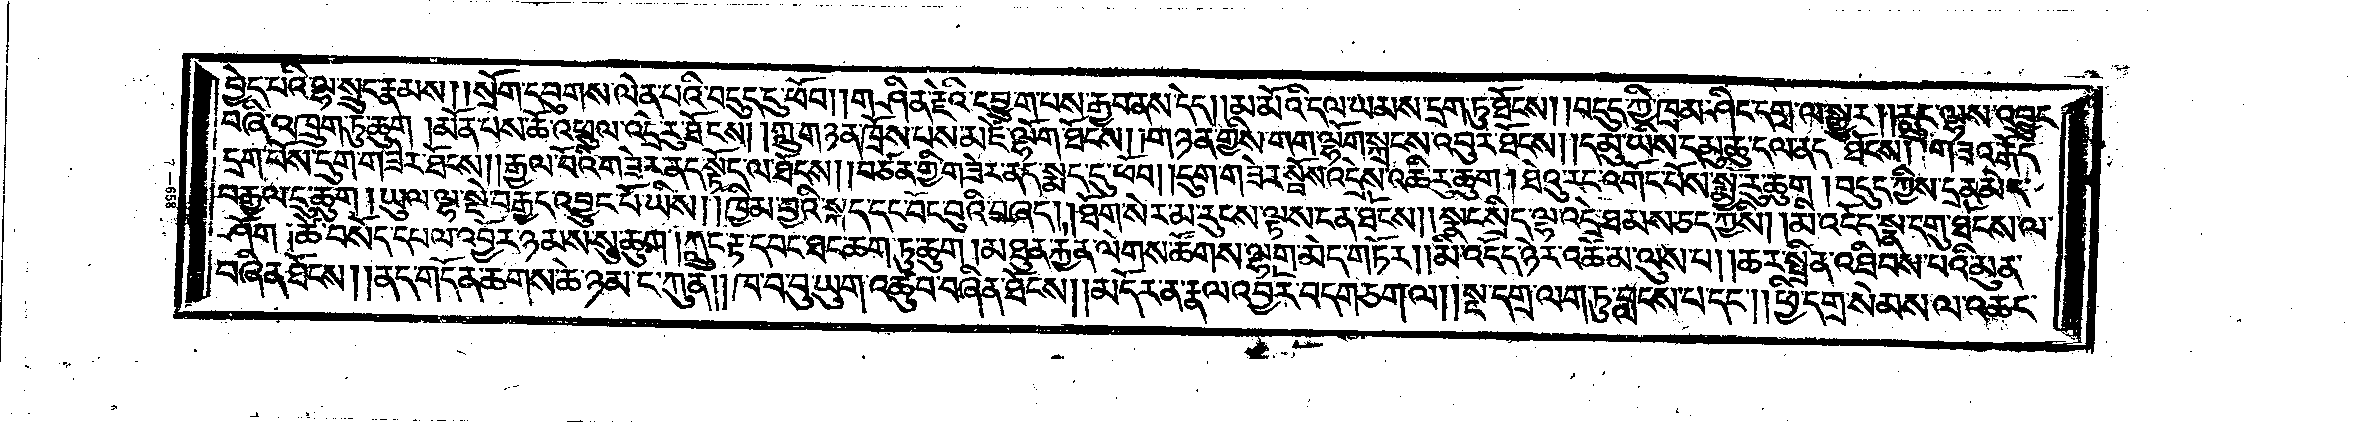བྱེད་པའི་ལྷ་སྲུང་རྣམས། །སྲོག་དབུགས་ལེན་པའི་བདུད་དུ་ཕོབ། །གཤིན་རྗེའི་དབྱུག་པས་རྒྱབ་ནས་དེད། །མ་མོའི་དལ་ཡམས་དྲག་ཏུ་ཐོངས། །བདུད་ཀྱི་ཁྲམ་ཤིང་དགྲ་ལ་སྒྱུར། །རླུང་ལྷས་འབྱུང་
བཞི་འཁྲུག་ཏུ་ཆུག། །མོན་པས་ཆོ་འཕྲུལ་འདྲེ་རུ་ཐོངས། །ཀླུ་གཉན་ཁྲོས་པས་མཛེས་ལྷོག་ཐོངས། །གཉན་གྱིས་གོག་ལྷོག་སྐྲངས་འབུར་ཐོངས། །དམུ་ཡིས་དམུ་ཆུ་དལ་ནད་ཐོངས། །གཟའ་རྒོད་
དྲག་པོས་དྲུག་གཟེར་ཐོངས། །རྒྱལ་པོའི་གཟེར་ནད་སྟོང་ལ་ཐོངས། །བཙན་གྱི་གཟེར་ནད་སྨད་དུ་ཕོབ། །དུག་གཟེར་སྦོས་འདྲེས་འཆི་རུ་ཆུག །ཐེའུ་རང་འགོང་པོས་སྨོ་རུ་ཆུག །བདུད་ཀྱིས་དྲན་མེད་
པ་རྒྱལ་དུ་ཆུག། ཡུལ་ལྷ་སྡེ་བརྒྱད་འབྱུང་པོ་ཡིས། །ཁྱིམ་བྱའི་སྐད་དང་བོང་བུའི་བཞད། །ཐོག་སེར་མ་རུངས་ལྟས་ངན་ཐོངས། །སྣང་སྲིད་ལྷ་འདྲེ་ཐམས་ཅད་ཀྱིས། །མི་འདོད་སྣ་དགུ་ཐོངས་ལ་
ཤོག །ཚེ་བསོད་དཔལ་འབྱོར་ཉམས་སུ་ཆུག །ཀླུང་རྟ་དབང་ཐང་ཆག་ཏུ་ཆུག །མཐུན་རྐྱན་ལེགས་ཚོགས་ལྷག་མེད་གཏོར། །མི་འདོད་ཉེར་འཚེ་མ་ལུས་པ། །ཆར་སྤྲིན་འཐིབས་པའི་མུན་
བཞིན་ཐོངས། །ནད་གདོན་ཆགས་ཆེ་ཉམ་ང་ཀུན། །ཁ་བ་བུ་ཡུག་འཆུ་བ་བཞིན་ཐོངས། །མདོར་ན་རྣལ་འབྱོར་བདག་ཅག་ལ། །སྔ་དགྲ་ལག་ཏུ་བླངས་པ་དང་། །ཕྱི་དགྲ་སེམས་ལ་འཆང་